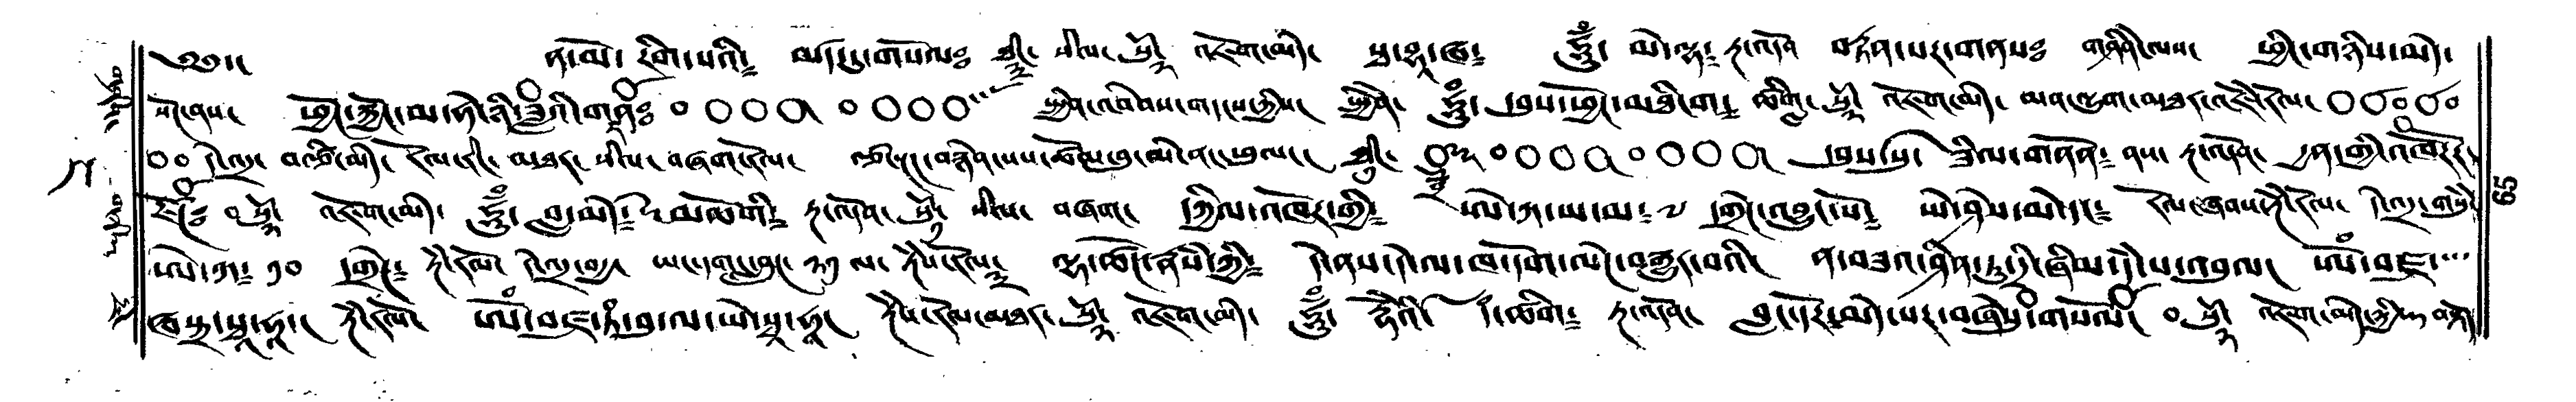༦༥༽ ན་མོ། རིག་པའི༴ མཛད་དུ་གསོལཿ ཐིང་གསུམ། སིལ། སུམ་གཉིས། འཇོག་མེད། སྭ་བྷཱ་ཝ༴ ཧཱུྃ། མེ་ལྷ༴ རྔ་འདོན། བརྟན་པར་གནསཿ གཤིན་རྗེ་ལས། ཕྱི་ནང་གཉིས་མེད༴ 
སོགས་ནས། ཕྱོགས་སྐྱོང་མ་ཧེ་ཉི་ཟླའི་གདནཿ སྤྱན་འདྲེན་འབེབས་གདངས་ཀྱིས། སྤྱན་འདྲེན། ཧཱུྃ། དབུས་ཕྱོགས་མཐིང་ནག༴ ཚིག་བཞི། སུམ་གཉིས། འཇོག་མེད། མན་ལྷུག་མཐར་འཇམ་རོལ། 
དེ་འདྲ། རྩེ་མེད། རོལ་རིང་། མཐར། སིལ། བཞག་རོལ། རྩ་སྔགས་བསྙེན་པས་ཚོམ་བུ་མེ་ནང་ཕུལ། ཐིང་གཅིག སྦྲམ། དབུས་སུ་ཟིལ་གནོན༴ ནས། རྔ་འདོན། རྒྱན་གྱི་འཁོར་ལོར་
རྫོགས༴ སུམ་གཉིས། འཇོག་མེད། ཧཱུྃ། བླ་མེད༴ མཆོག་གི༴ རྔ་འདོན། སུམ་གཅིག སིལ། བཞག དཀྱིལ་འཁོར་གྱི༴ ཨེ་ཀ་ཡ་མ༴ དགྲ་བགེགས་འབྱུང་པོ༴ ཡེ་ཤེས་མེ་དང་༴ རོལ་ཞབས་རྔམ་རོལ། དེ་འདྲ་གསུམ། 
ཨེ་ཀ༴ དགྲ་བགེགས༴ རྔམ་རོལ། དེ་འདྲ་བརྒྱ། ཡང་དགང་བླུགས། ཉེར་གཅིག་ལ། རྔམ་རོལ་གསུམ། ལྷ་ཚོགས་རྣམས་ཀྱི༴ དེ་ནས་དེ་ལ་ཁ་དོག་ལེགས་བསྒྱུར་བའི། །ན་བཟའ་ཤིན་ཏུ་དྲི་ཞིམ་དམ་པ་འབུལ། ཨོཾ་བཛྲ་
ཝསྟྲ་སྭ་ཧཱ། རྔམ་རོལ། ཨོཾ་བཛྲ་ཏཾ་བུ་ལ་ཡེ་སྭ་ཧཱ། རྔམ་རོལ་མཐར། སུམ་གཉིས། འཇོག་མེད། ཧཱུྃ། རྡོ་རྗེའི་དམ་ཚིག༴ རྔ་འདོན། བླང་དོར་མེད་པར་བཞེས་སུ་གསོལ།སུམ་གཉིས། འཇོག་མེད་ཀྱིས། བསྟོད་